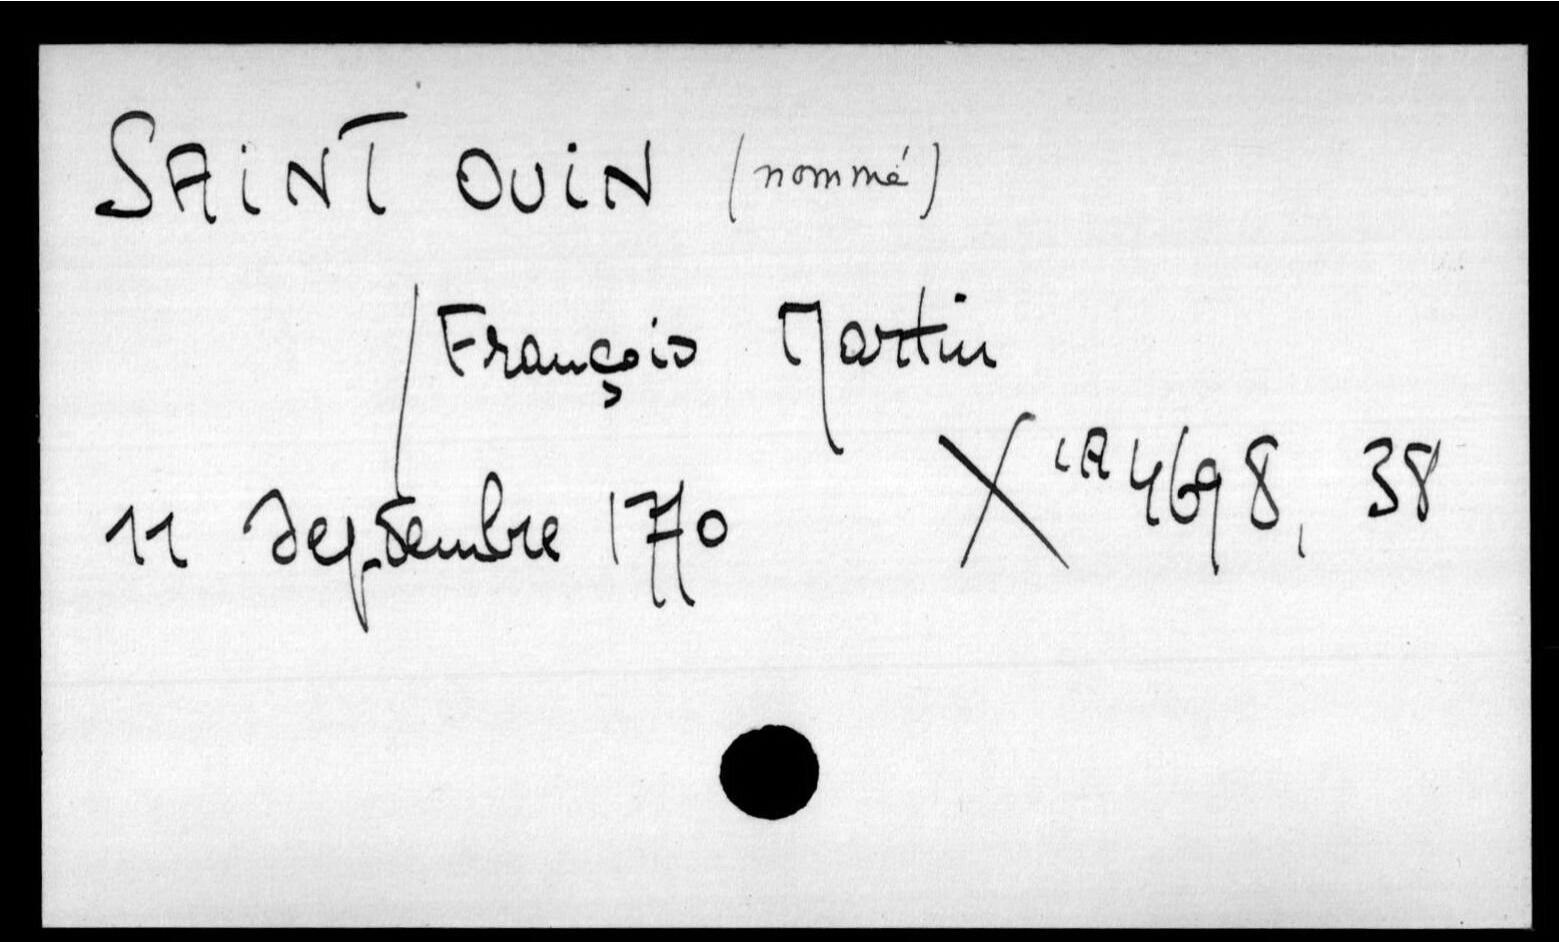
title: SAINT OUIN (nommé)
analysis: Contre François Martin
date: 11 septembre 1770
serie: X1A
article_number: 4698
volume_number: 38
